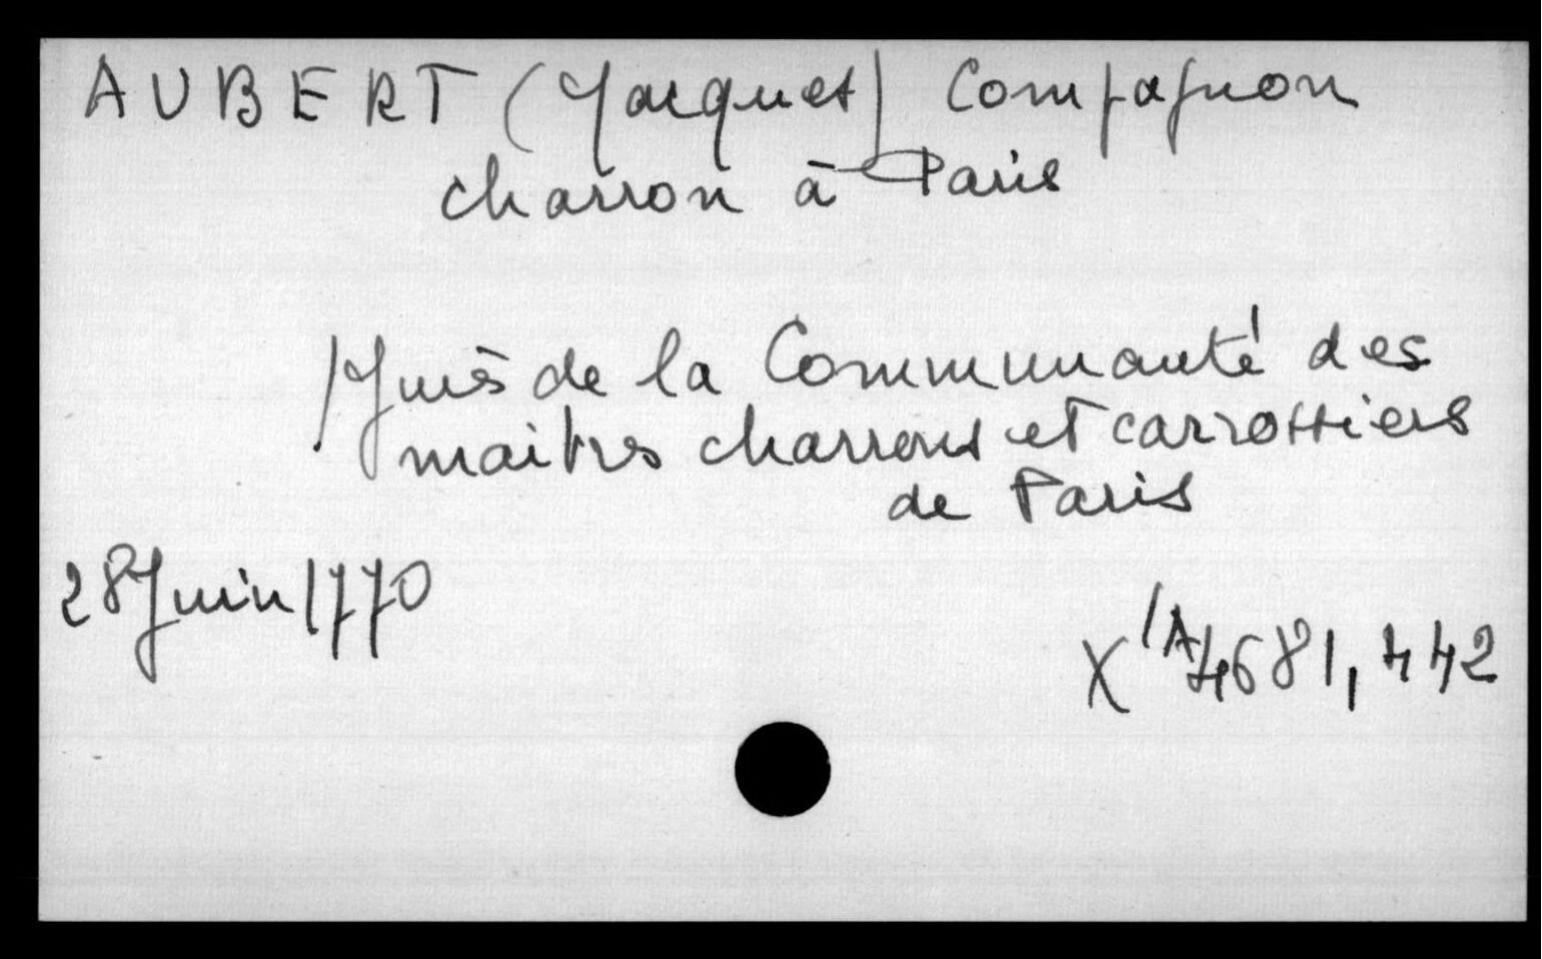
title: AUBERT (Jacques) Compagnon charron à Paris
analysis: Contre jurés de la Communauté des maîtres Charrons et carrossiers de Paris
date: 28 juin 1770
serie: X1A
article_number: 4681
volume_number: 442
